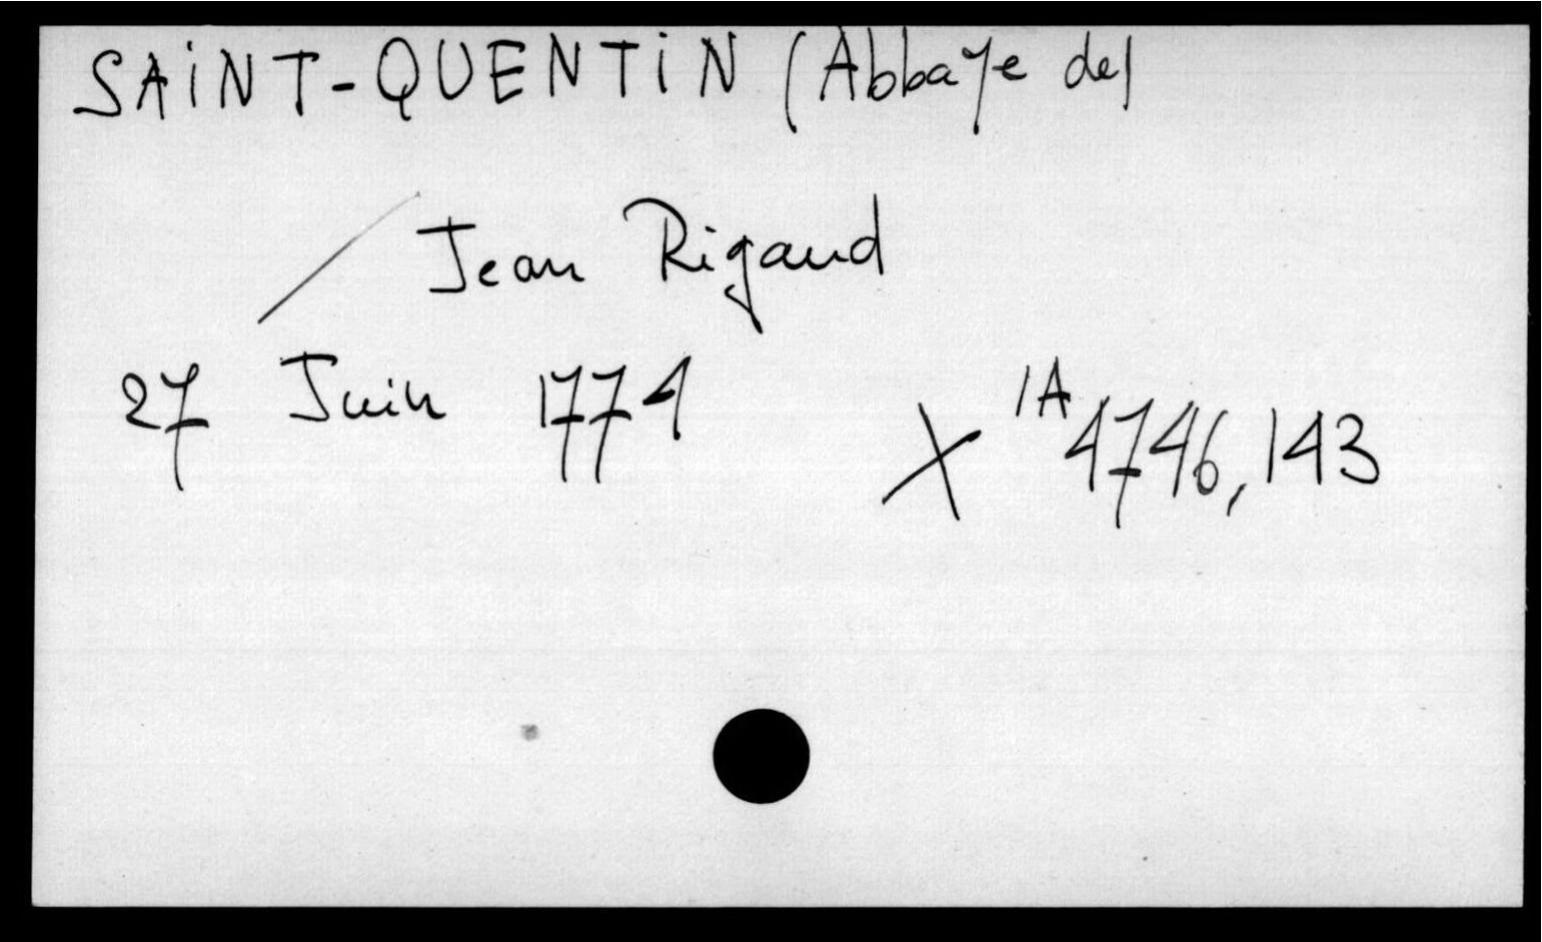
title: SAINT-QUENTIN (Abbaye de)
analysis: Contre Jean Rigaud
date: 27 juin 1774
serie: X1A
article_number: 4746
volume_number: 143
